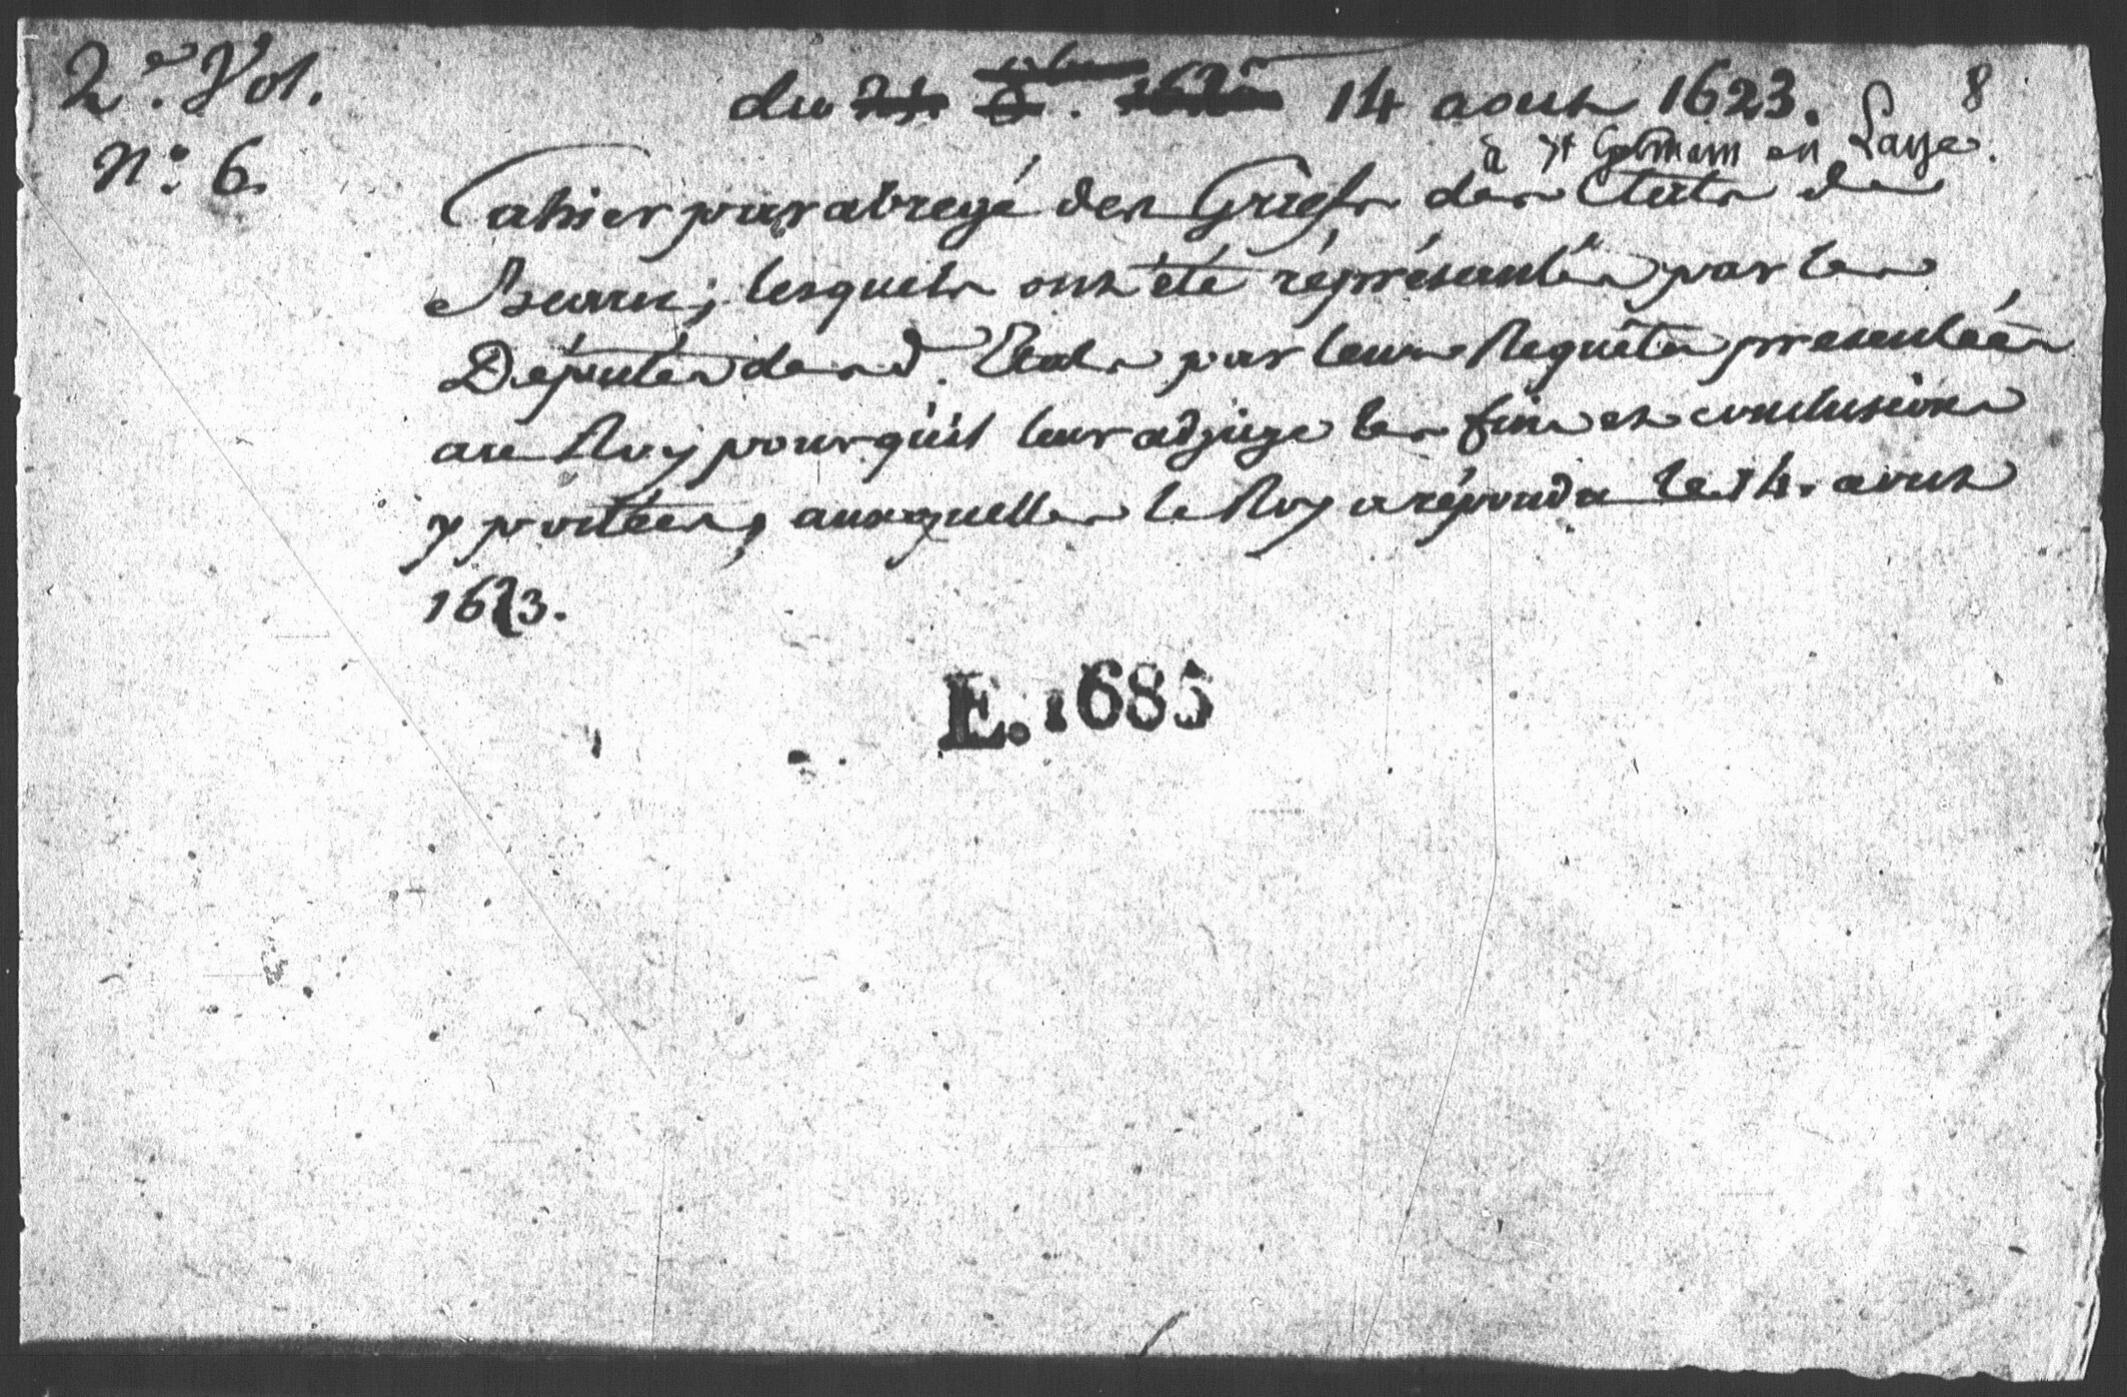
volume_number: n°6
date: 14 août 1623
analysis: à St Germain en laye 8
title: Cahier par abregé des griefs des Etats de Bearn ; lesquels ont été représentés par les Députés desd. Etats par leurs requêtes presentées au Roy pour qu'il leur adjuge les fins et conclusions y portées auxquelles le roy a répondu le 14 aout 1623.
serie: E
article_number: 1685
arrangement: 2e vol.
